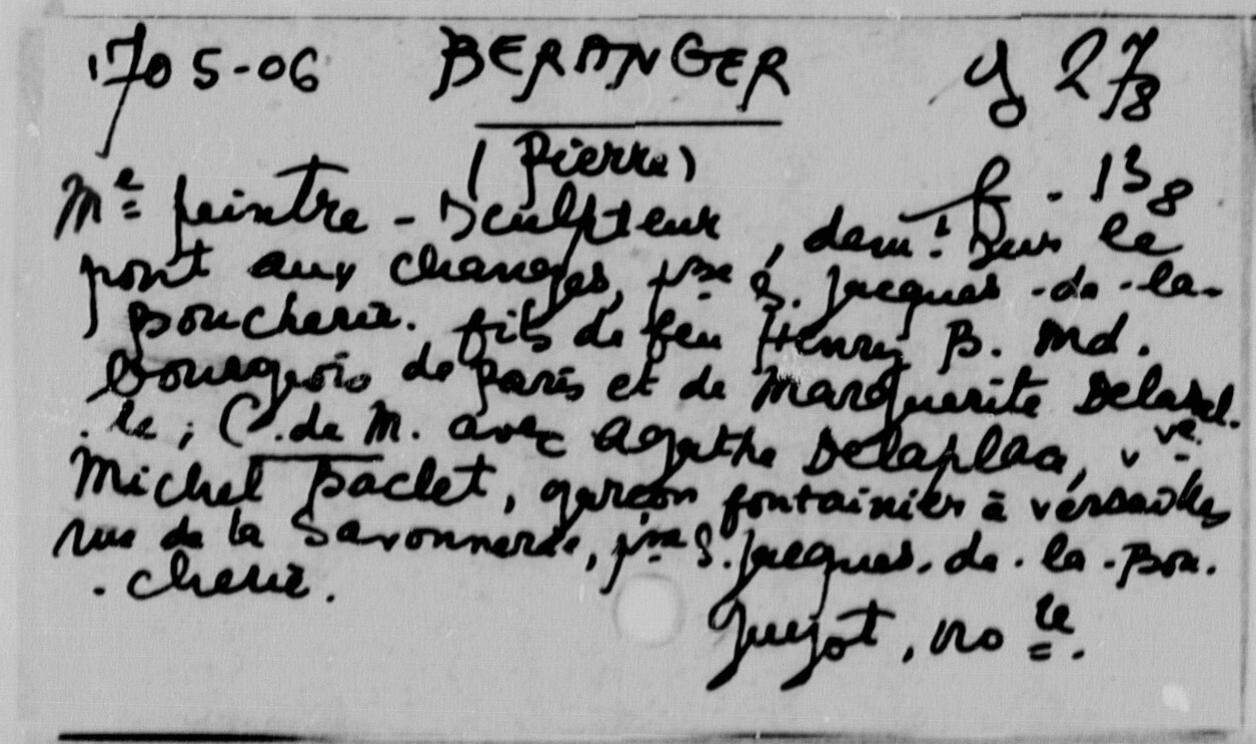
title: BERANGER (Pierre)
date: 1705-1706
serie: Y
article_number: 278
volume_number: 138
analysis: Maître peintre-Sculpteur, demeurant sur le pont aux Changes, paroisse Saint-Jacques-de-la Boucherie, fils de feu Henry B. ordinairement bourgeois de Paris et de Marguerite Delaselle ; Contrat de mariage avec Agathe Delaples, veuve Michel Baclet, garçon fontainier à Versailles rue de la Savonnerie, paroisse Saint Jacques, de-la-Boucherie. Guyot, notaire
